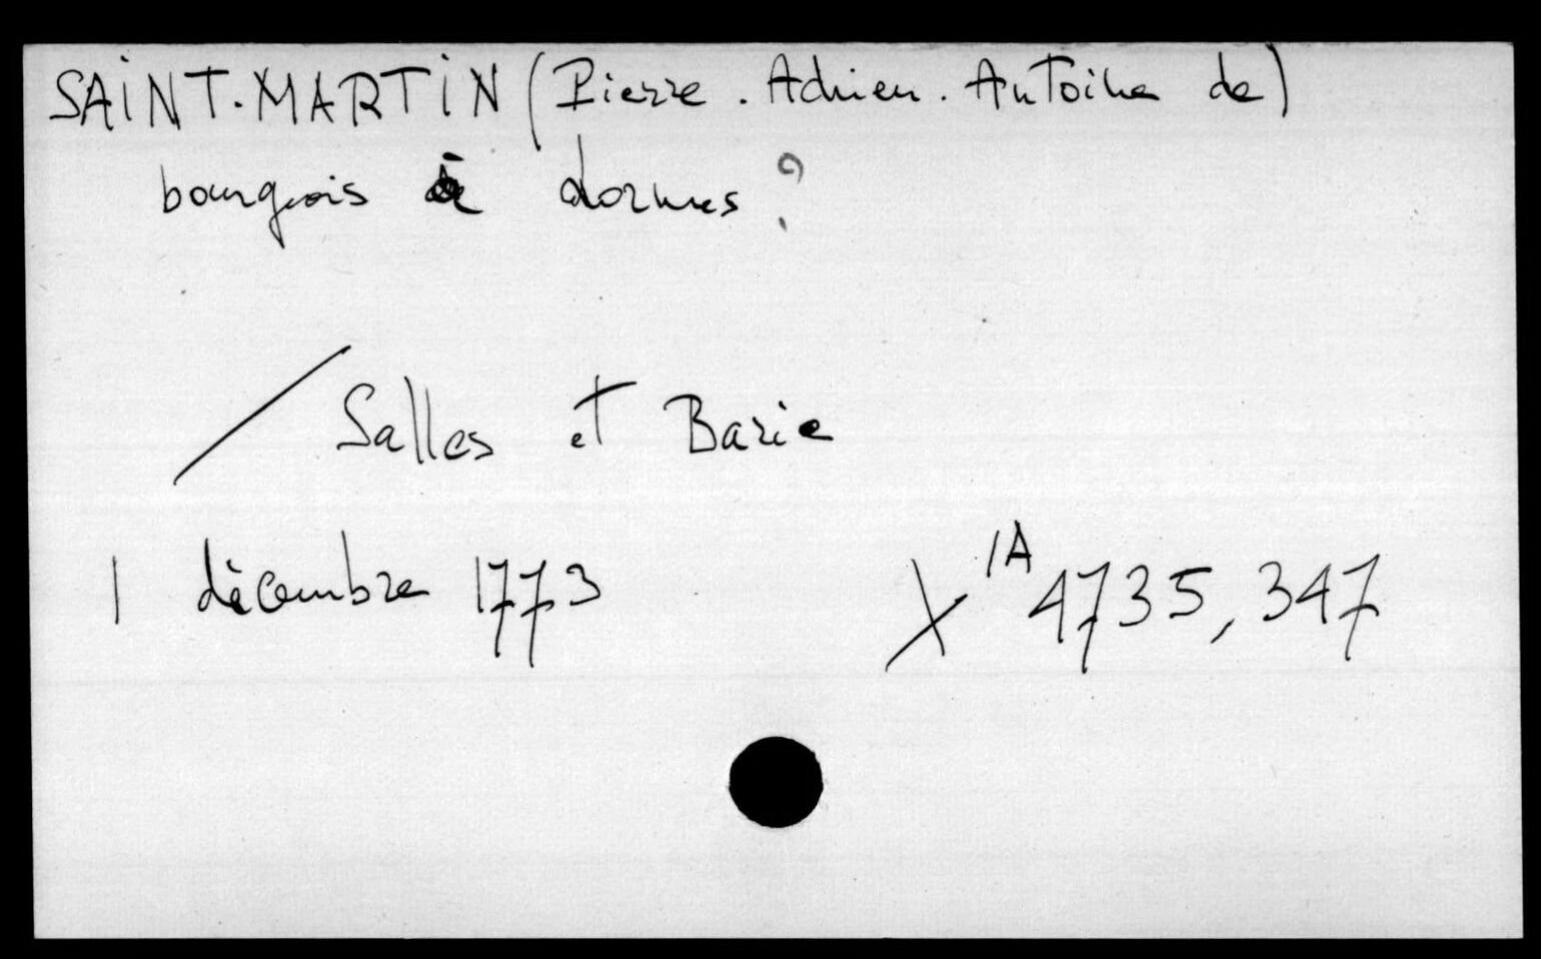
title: SAINT-MARTIN (Pierre-Adrien-Antoine de) bourgeois à dormes ?
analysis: Contre Salles et Barie
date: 1 décembre 1773
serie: X1A
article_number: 4735
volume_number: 347
